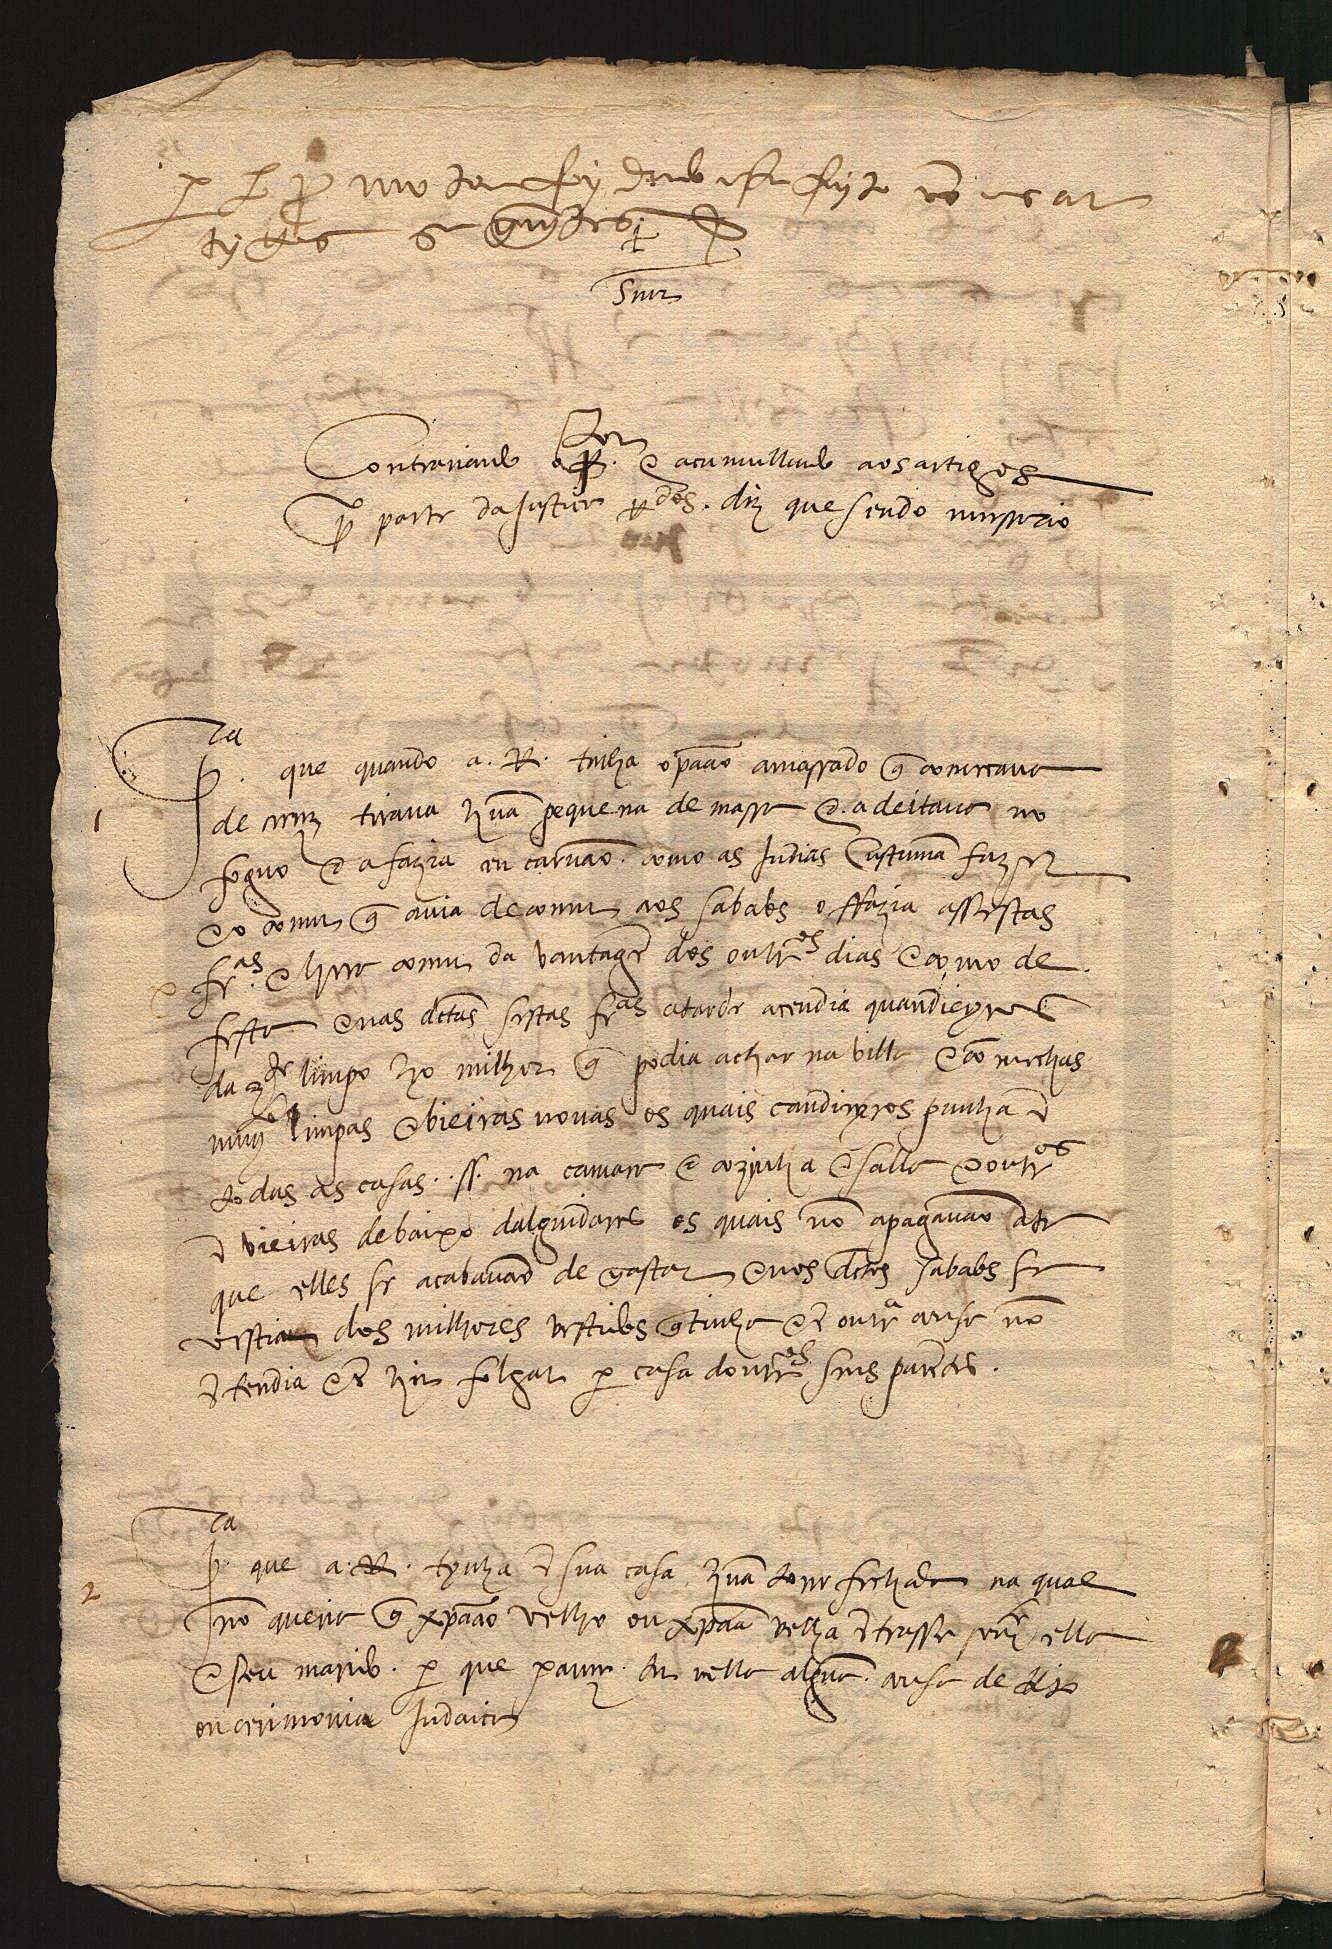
ꝑ ho ꝓmotor foy dado este feyto c̄o os ar
tygos seḡujtes
S̄nor
Contrariando o ꝓtor. e acumullando aos artigos
p̄o parte da Justica Rdos. diz que sendo necessario
Pra. que quando a .R. tinha o paão amassado q̄ comecaua
de creçer tiraua hūa pequena de massa e. a deitaua no
foguo e a fazia en caruão. como as Judias Custumā fazer
e o comer q̄ auia de comer aos sabados o ffazia assestas
fras. e hera comer da vantagē dos outros dias e como de
festa e nas dc̄tas sestas fras a tarde acendia quandieyros
dazte limpo ho milhor q̄ podia achar na villa e c̄o mechas
muyto limpas e vieiras nouas os quais candieyros punha ē
todas as casas. .ss. na camara e cozinha e salla e outros
ē vieiras debaixo dalguidares os quais n̄o apagauão ate
que elles se acabauão de gastar e nos d̄ctos sabados se
vestia dos milhores vestidos q̄ tinha e ē outra cousa n̄o
ētendia e ē hir folgar ꝑ casa doutros seus parētes.
Pra. que a .R. tynha ē sua casa hūa torre fechada na qual
n̄o queria q̄ xpaão velho ou xpāa velha ētrasse somte ella
e seu marido . ꝑ que pareçe ter nella algūa. cousa de Rito
ou cerimonia Judaica
